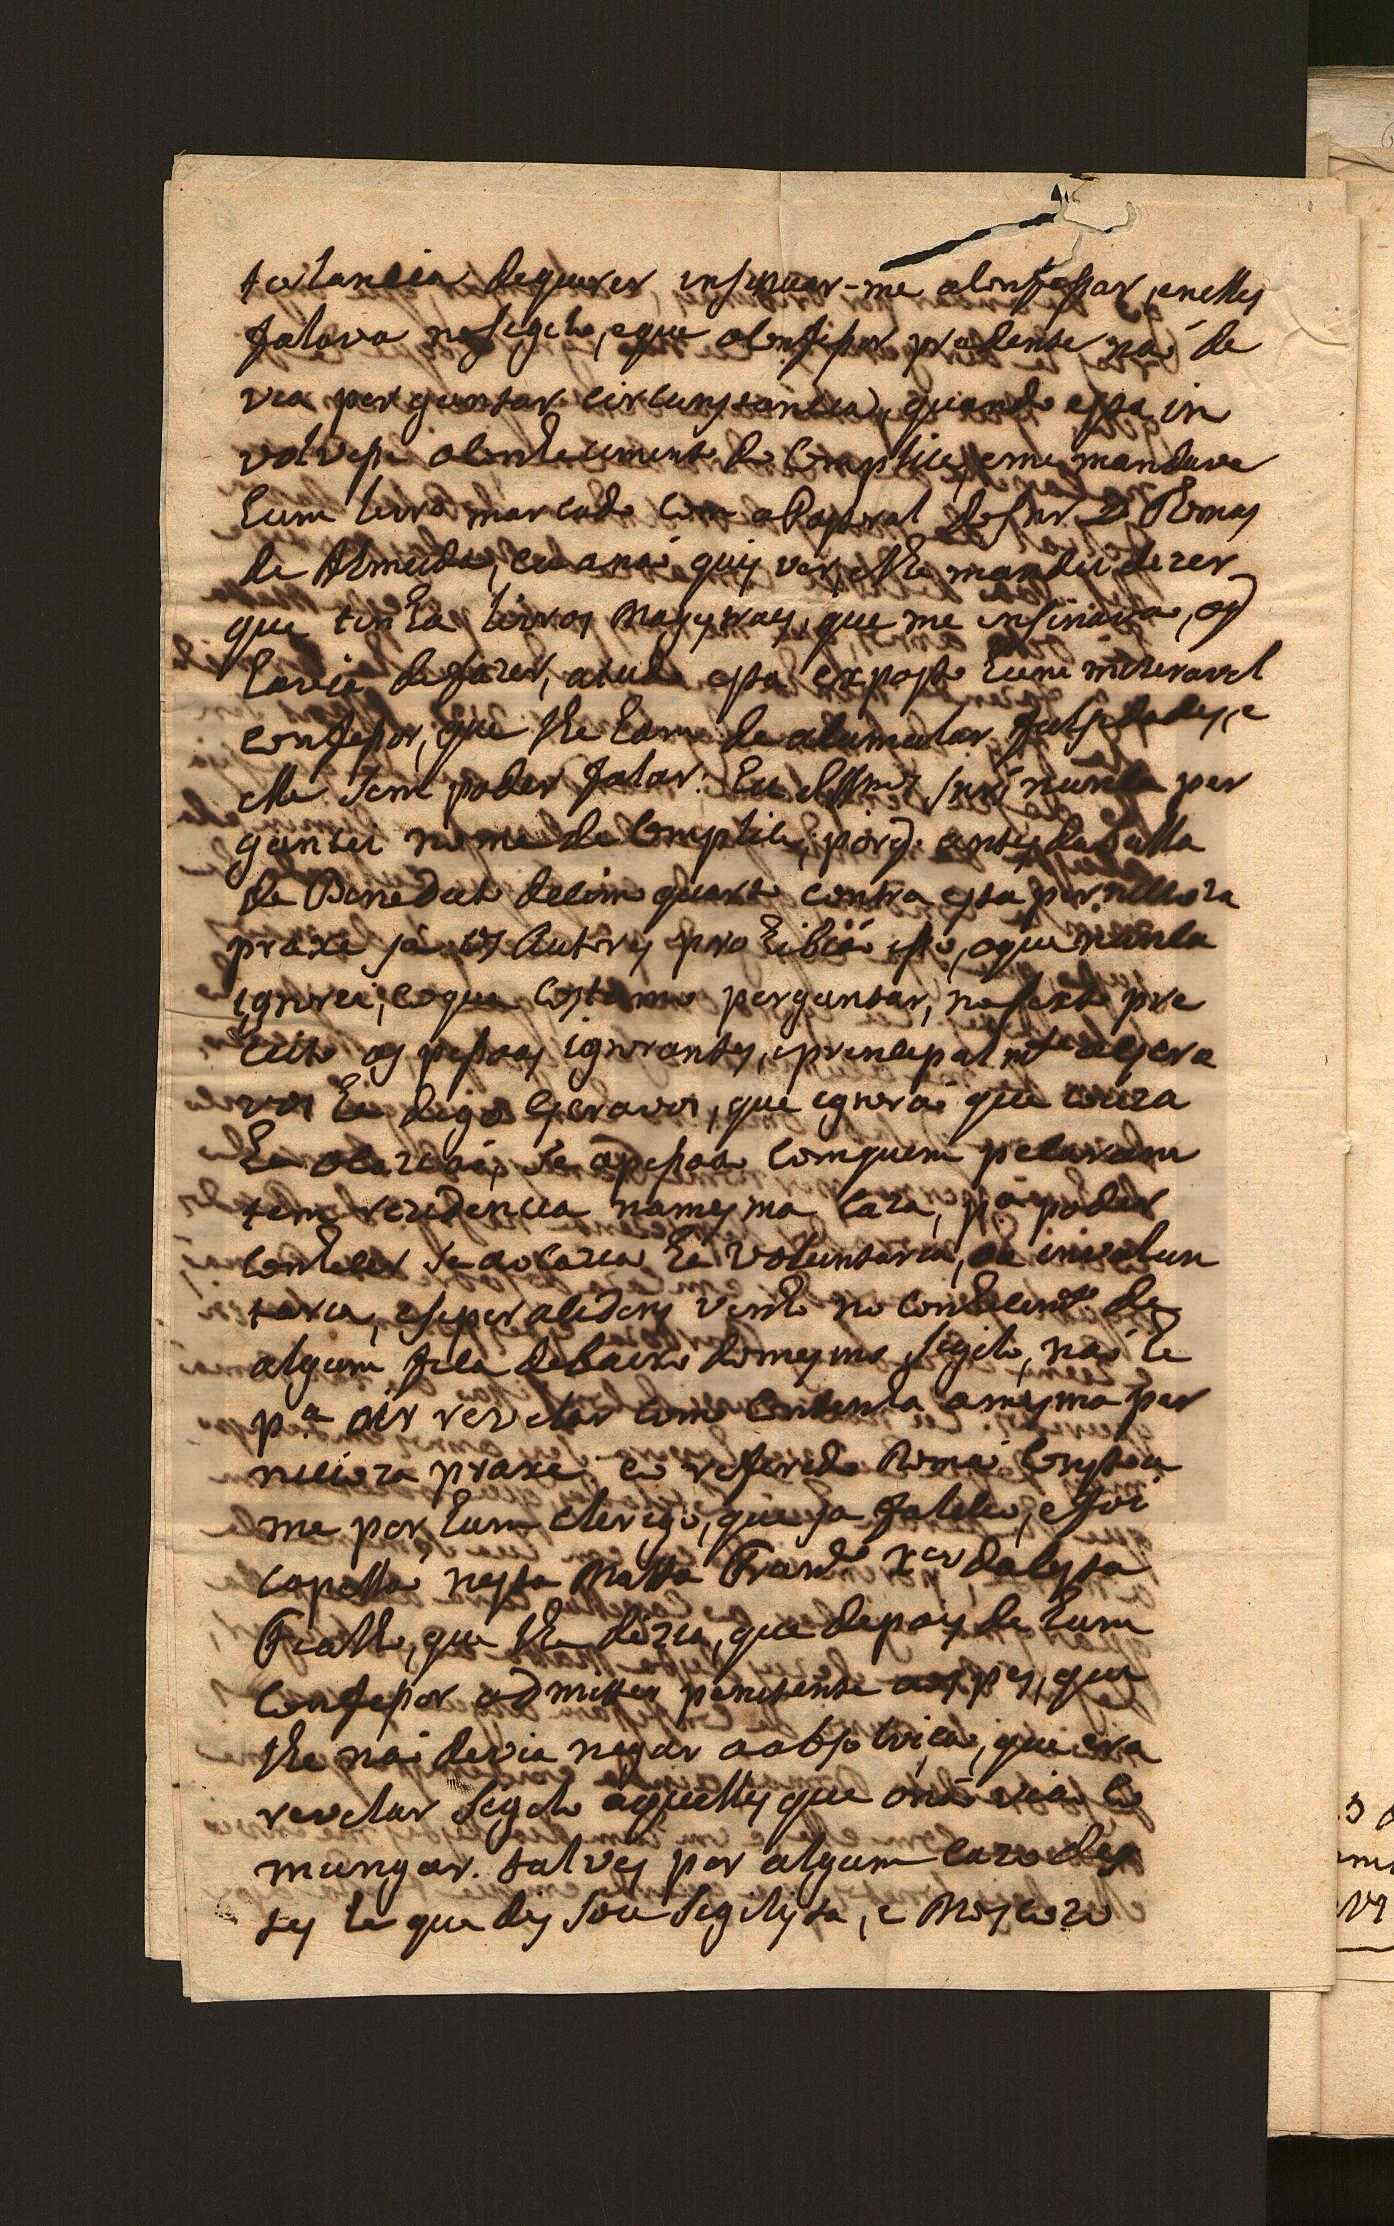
tulancia de querer insinuar-me a confessar e nelles
falava no segelo, e que o Confessor prudente naõ de
via perguntar circunstancia, quando esta in
volvesse o conhecimento do Complice, e me mandava
hum livro marcado com a Pastoral o Snr. D Thomas
de Almeida, eu a naõ quis ver e lhe mandei dezer
que tinha livros magestraes, que me ensinavaõ o q̄
havia de fazer, a tudo esta exposto hum mezeravel
confessor, que lhe ham de acumalar falsidades, e
elle sem poder falar. Eu ell.mos Snors nunca per
guntei nome da Complice, porq̄ antes da bulla
de Benedicto decimo quarta contra esta perneceoza
praxe já os Autores prohibião isso, o que nunca
egnorei, e o que costumo perguntar, no sexto pre
ceito as pessoas ignorantes, e prencepalm.te a escra
vos Eu digo ecravos, que egnoraõ que couza
he ocaziaõ se a pessoa com quem pecaram
tem rezedencia na mesma caza, p.a poder
Conhecer se a ocazeaõ he voluntarea, ou involun
tarea, e se pera ceder venho no conhecen.to de
algum fica de baixo do mesmo segilo, naõ he
p.a o ir revelar como contenha a mesma per
necioza praxe eo referedo Romaõ constou
me por hum clerigo, que ja faleceo, e foi
capellaõ nesta Matta Fran.co Xr da Costa
Fialho, que lhe dizea, que depois de hum
confessor admitter penetente aos pes, que
lhe naõ devia negar a absolviçaõ, que era
revelar segelo aquelles que o naõ viao co
mungar talves por algum cazo des
tes he que dis Sou segilista, e moscozo
